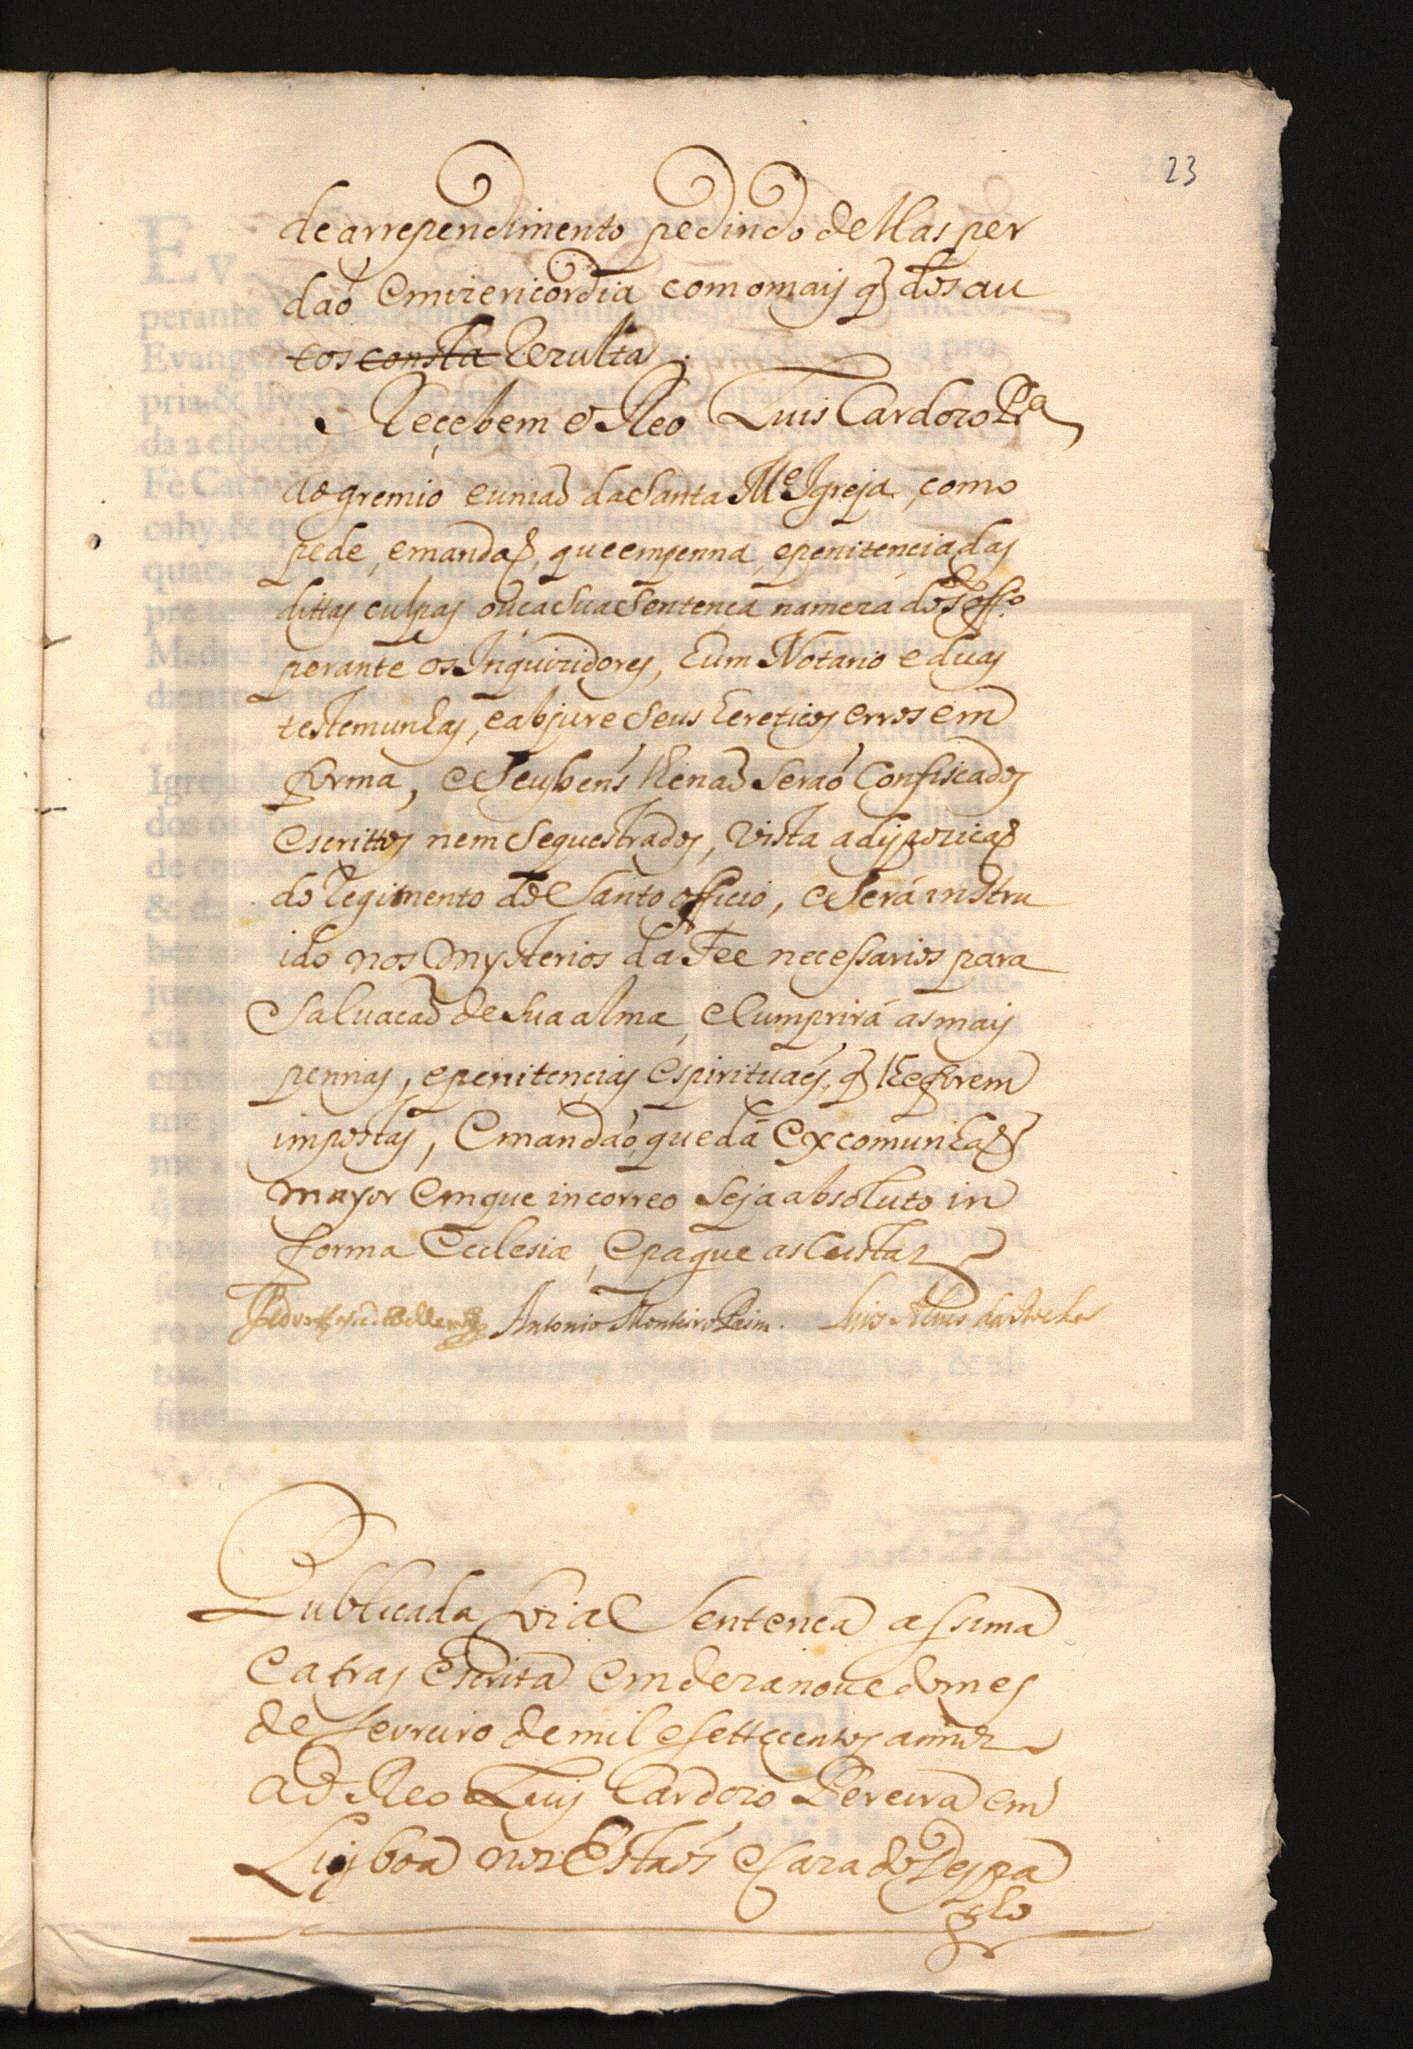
de arrependimento pedindo dellas per
daõ e mizericordia com o mais q̄ dos au
tos consta Rezulta.
Reçebem o Reo Luis Cardozo Pra
ao gremio e uniaõ da Santa Me Igreja, como
pede, e mandaõ, que em penna, e penitençia das
dittas culpas ouça sua sentença na meza do sto off.o
perante os Inquizidores, hum Notario e duas
testemunhas, e abjure seus hereticos erros em
forma, e Seus bens lhe naõ seraõ confiscados
escrittos nem sequestrados, vista a dispozicaõ
do Regimento do Santo officio, e será instru
ido nos Mysterios da Fee necessarios para
Saluacaõ de sua alma, e Cumprirá as mais
pennas, e penitençias espirituaés, q̄ lhe forem
impostas, e mandaõ, que dá excomunhaõ
mayor em que incorreo seja absoluto in
forma ecclesiæ, e pague as Custas
Publicada foi a Sentenca assima
e atras escrita em dezanoue do mes
de fevreiro de mil e settecentos annoz
ao Reo Luis Cardozo Pereira em
Lisboa nos Estaós e Caza do Despa
cho
